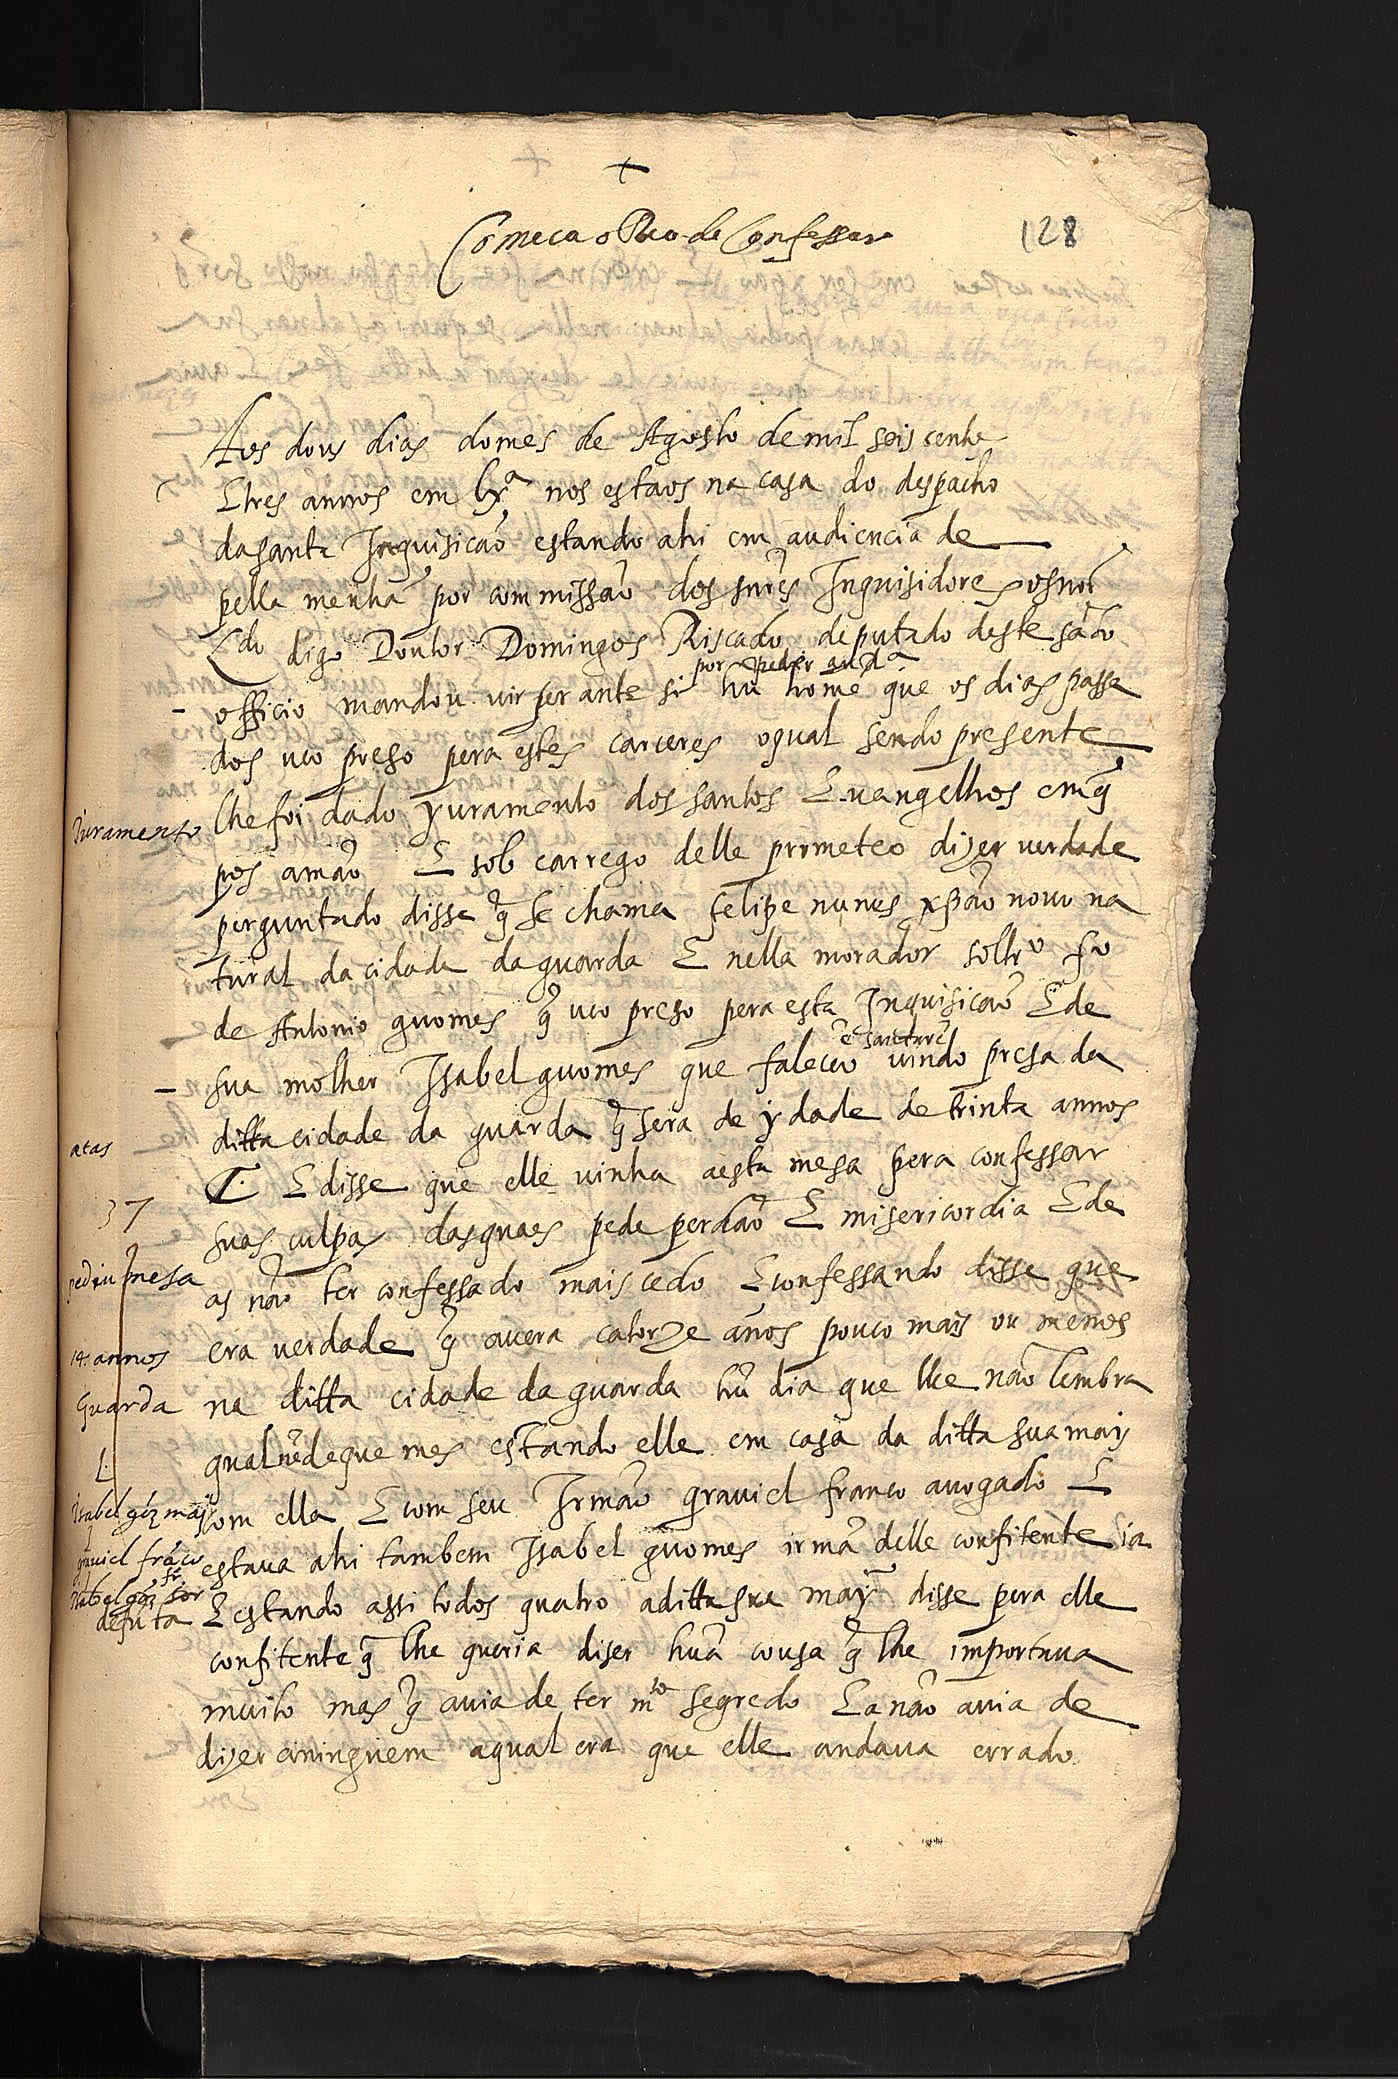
Comeca o Reo de Confessar
Aos dous dias do mes de Agosto de mil seiscentos
E tres annos em lxa nos estaos na casa do despacho
da santa Jnquisicaõ estando ahi em audiencia de
pella menhā por commissaõ dos snrēs Jnquisidores o snor̄
Ldo digo Doutor Domingos Riscado deputado deste sāto
officio mandou uir perante si
por pedir auda.
hū homē que os dias passa
dos ueo preso pera estes carceres o qual sendo presente
lhe foi dado yuramento dos santos Euangelhos em q̄
pos a mão E sob carrego delle prometeo dizer uerdade
perguntado disse q̄ se chama felipe nunes xpão nouo na
tural da cidade da guarda E nella morador soltro fo
de Antonio guomes q̄ ueo preso pera esta Jnquisicaõ E de
sua molher Jsabel guomes que faleceo
ē santarē
uindo presa da
ditta cidade da guarda q̄ sera de ydade de trinta annos
¶ E disse que elle uinha a esta mesa pera confessar
suas culpas das quaes pede perdaõ E misericordia E de
as não ter confessado mais cedo E confessando disse que
era uerdade q̄ auera catorze an̄os pouco mais ou menos
na ditta cidade da guarda hū dia que lhe naõ lembra
qual nē de que mes estando elle em casa da ditta sua may
com ella E com seu Jrmão grauiel franco auogado E
estaua ahi tambem Jsabel guomes irmā delle confitente ia
defuta E estando assi todos quatro a ditta sua maỹ disse pera elle
confitente q̄ lhe queria diser huā cousa q̄ lhe importaua
muito mas q̄ auia de ter mto segredo E a naõ auia de
dizer a ninguem a qual era que elle andaua errado
